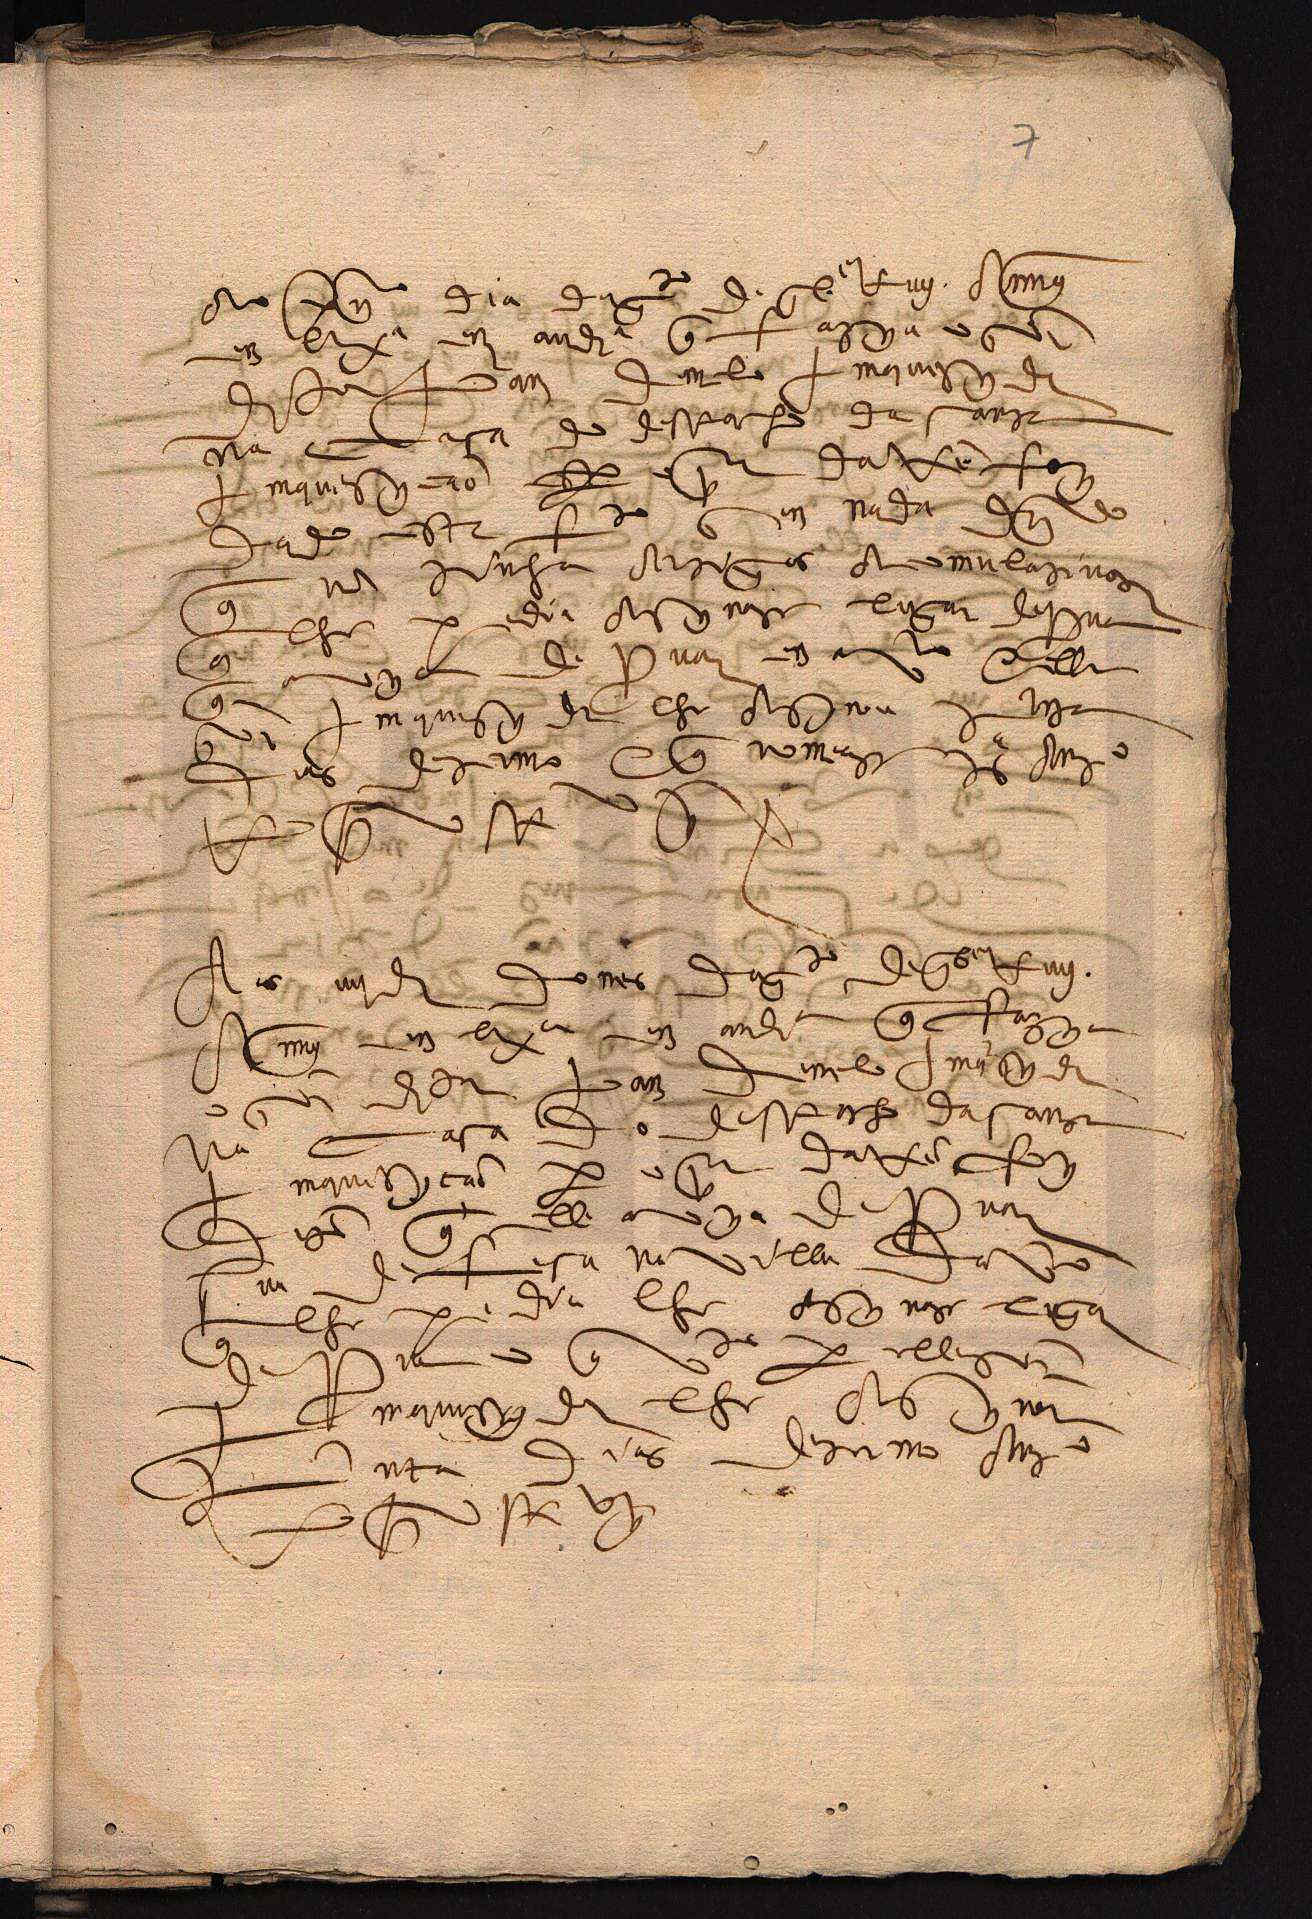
Ao p̄mro dia dagto de j̄bcRiiij. Annꝯ
em lixa em audia q̄ fazya o sor̄
dtor Joam de melo Jmquisydor
na Casa do despacho da santa
Jmquisycão ꝑ o p̄or da Ree foy
dado este fto sem nada dizdo
q̄ nō tinha Artigos Acomulatiuos
q̄ lhe pedia Asynase lugar de ꝓua
q̄ avya de ꝓuar em avro e elle
sor̄ Jmquisydor lhe Asynou tinta
dias de termo e q̄ nomease tsa Anto
Roj̄z o spvy
Aos iiij di do mes dagto de j̄bcRiiij
Annꝯ em lixa em auda q̄ fazya
o sor̄ dtor Joam de melo Jmqisydor
na Casa do despacho da santa
Jmquisyção ꝑ o p̄or da Ree foy
dito q̄ elle avya de ꝓuar
sua defesa na villa davro
q̄ lhe pedia lhe Asynase lugar
de ꝓua o q̄ vto ꝑ elle sor̄
Jmquisydor lhe Asynou
tinta dias de termo Anto
Roj̄z o spvy
